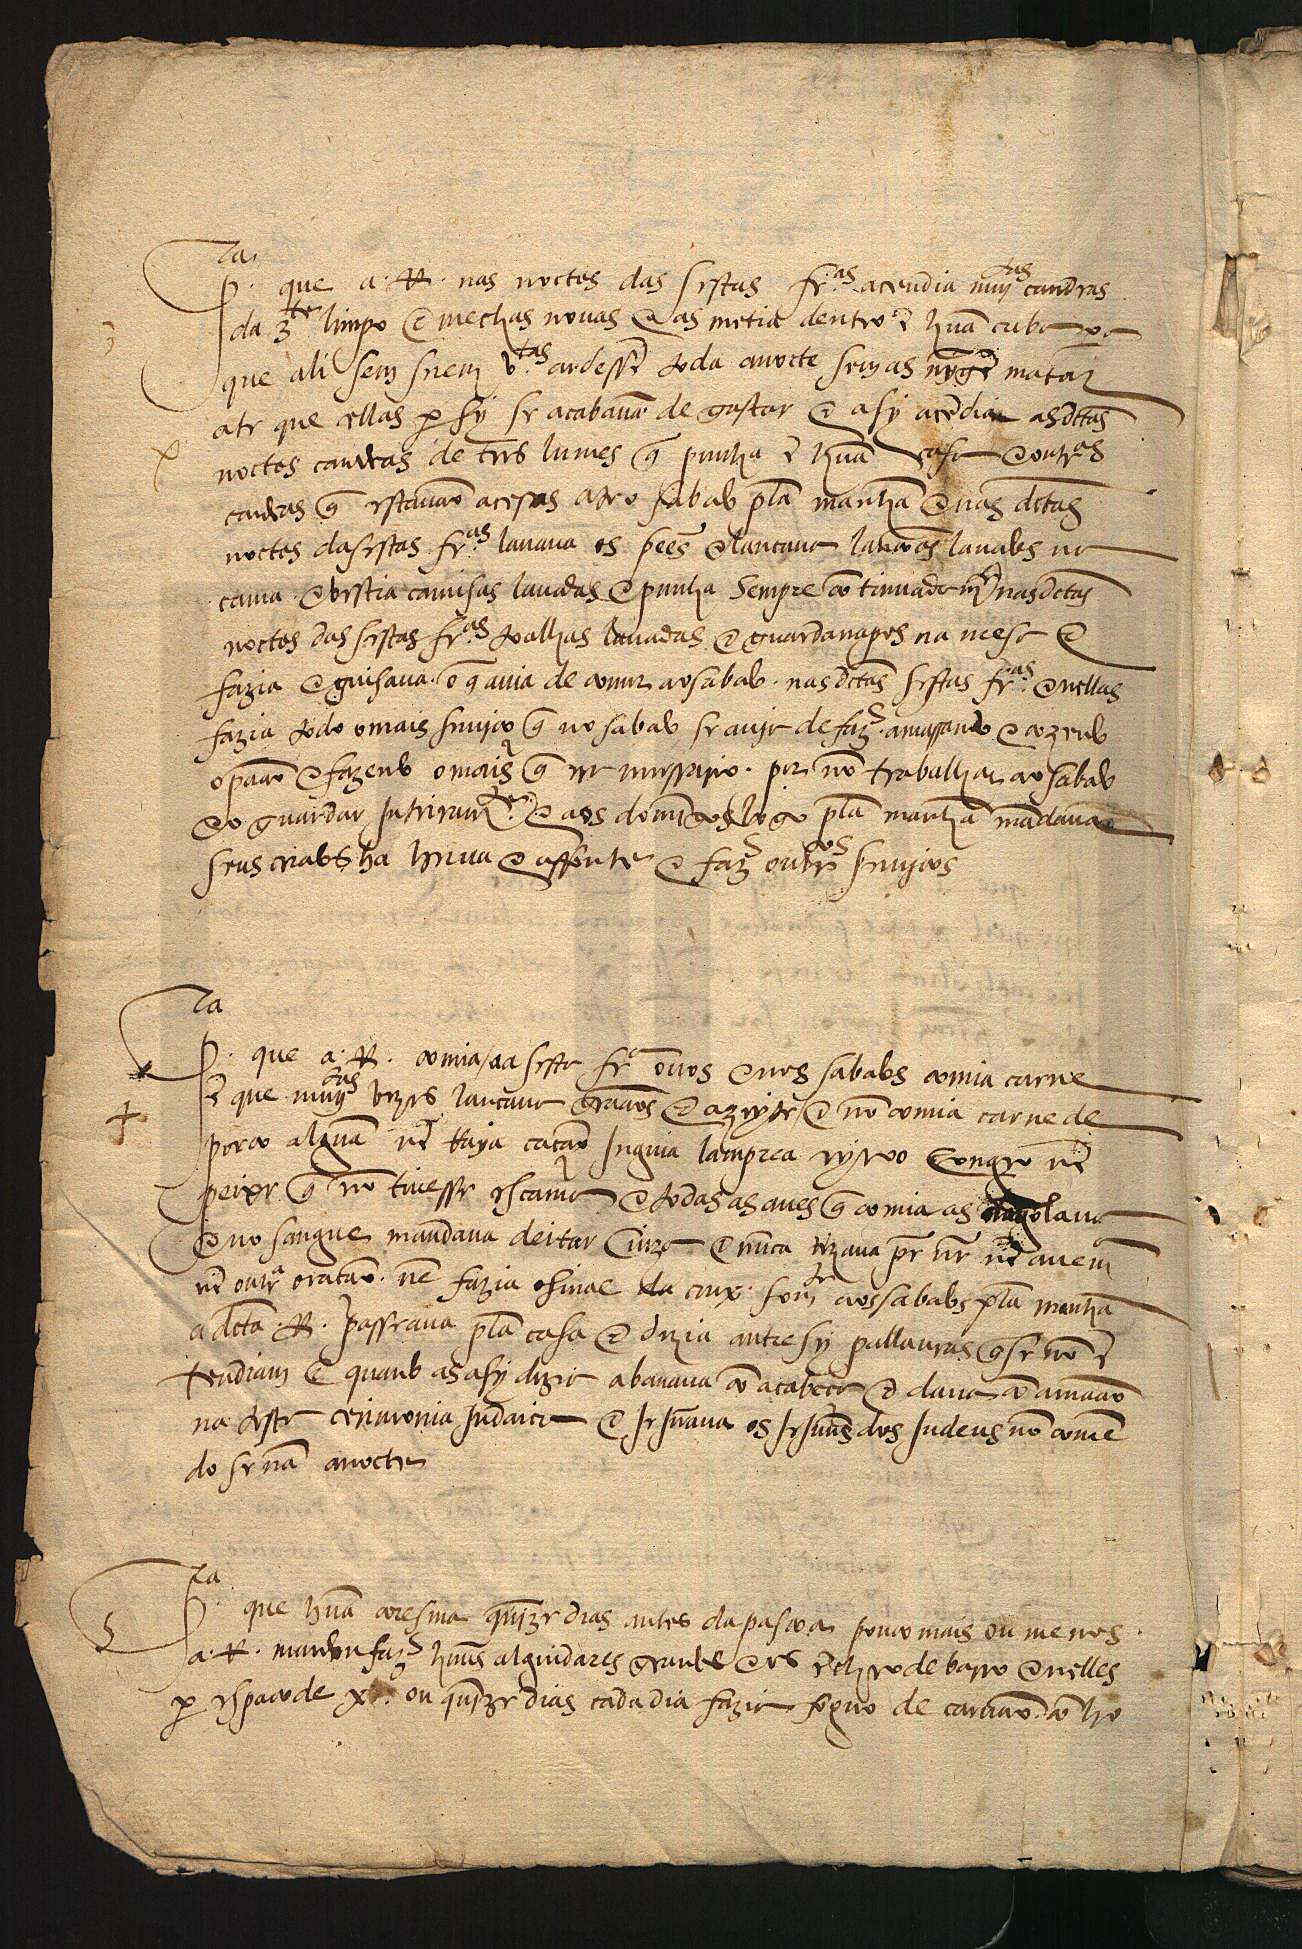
Pra. que a .R. nas noctes das sestas fr.as acendia muytas candeas
dazte limpo e mechas nouas e as metia dentro ē hūa cuba ꝑa
que ali sem serem vtas ardessē toda a nocte sem as n̄ygē matar
ate que ellas ꝑ sy se acabaūa de gastar e asy acēdia as dc̄tas
noctes candeas de tres lumes q̄ punha ē hūa casa e outras
candeas q̄ estauão acesas ate o sabado p̄la manhã e nas d̄ctas
noctes da sestas fras. lauaua os pees e laucaua lancoes lauados na
cama. e vestia camisas lauadas e punha Sempre c̄otinuadamte nas d̄ctas
noctes das sestas fras. toalhas lauadas e guardanapos na mesa e
fazia e guisaua. o q̄ auia de comer ao sabado . nas d̄ctas sestas fras. e nellas
fazia todo o mais serujço q̄ no sabado se auja de faz̄. amassando e cozendo
o paão e fazendo o mais q̄ era necessario. por n̄o trabalhar ao sabado
e o guardar Jnteiramte. e aos dom̄jgos logo p̄la manhā m̄adaua
seus criados ha herua e a ffonte e faz̄ outros serujcos
Pra. que a .R. comia / aa sesta fra ouos e nos sabados comia carne
ē que muytas vezes lancaua graãos e azeyte/ e n̄o comia carne de
porco algūa nē Raya cação Jnguia lamprea eyroo Congro nē
peixe q̄ n̄o tiuesse escama e todas as aues q̄ comia as degolaua
e no sangue mandaua deitar Cinza e nūca Rezaua p̄r n̄r nē aue ma
nē outra oração. n̄e fazia o sinal da crux. somte aos sabados p̄la manhã
a d̄cta .R. passeaua p̄la casa e dizia antre sy pallauras q̄ se n̄o ē
tendiam e quando as asy dizia abanaua c̄o a cabeça e daua c̄o a maão
na testa cerimonia Judaica e Jejūaua os Jejūus dos Judeus n̄o com̄e
do sen̄a a nocte
Pra. que hūa coresma q̄ujze dias antes da pascoa pouco mais ou menos
a .R. mandou faz̄ hūus alguidares grandes e os ēcheo de barro e nelles
ꝑ espaco de x. ou q̄ujze dias cada dia fazia foguo de caruão cō ho
